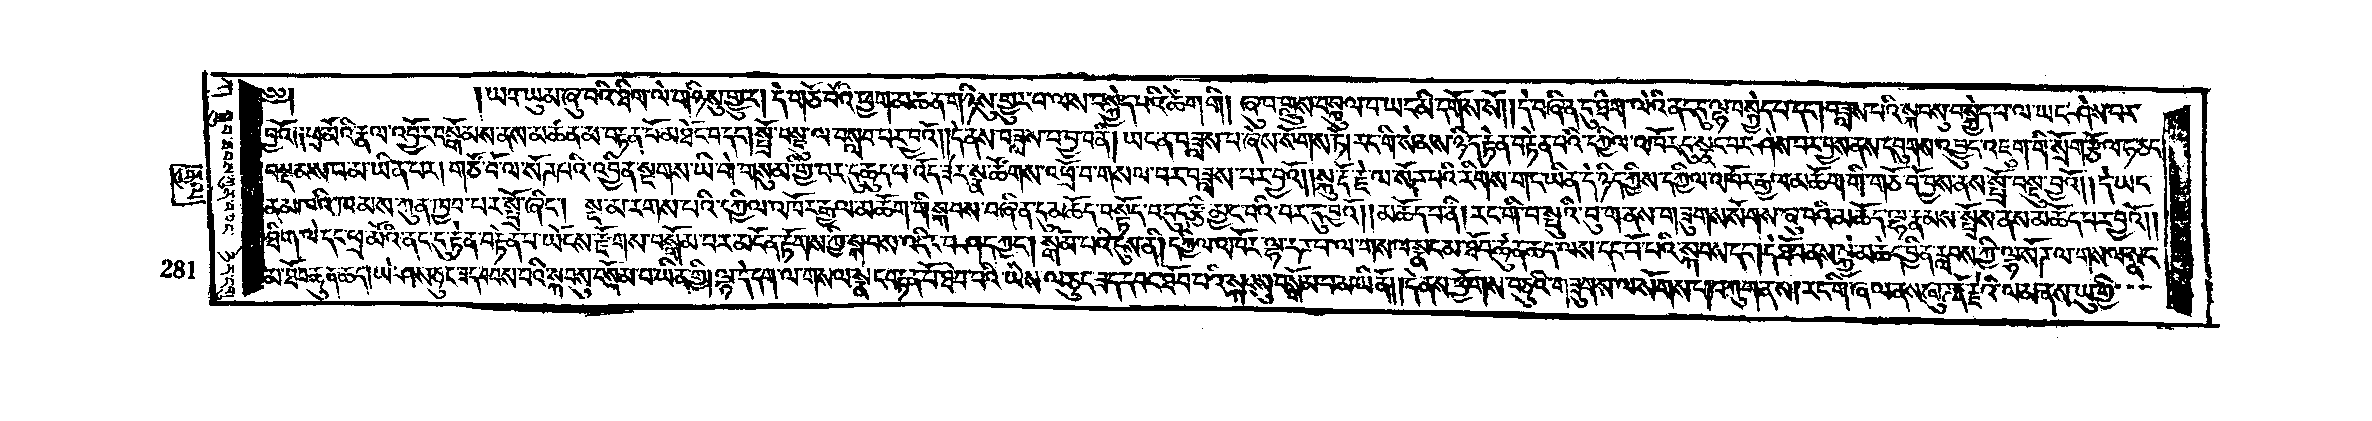༄༅། །ཡབ་ཡུམ་ཞུ་བའི་ཐིག་ལེ་གཉིས་སུ་གྱུར། དེ་གཙོ་བོའི་ཕྱག་མཚན་གཉིས་སུ་གྱུར་པ་ལས་བསྐྱེད་པའི་ཚིག་གི། ཞུ་བ་གླུས་བསྐུལ་བ་ཡང་མི་དགོས་སོ། །དེ་བཞིན་དུ་ཐིག་ལེའི་ནང་དུ་ལྷ་བསྐྱེད་པ་དང་། བཟླས་པའི་སྐབས་སུ་བསྐྱེད་པ་ལ་ཡང་ཤེས་པར་
བྱའོ། །ཕྲ་མོའི་རྣལ་འབྱོར་བསྒོམས་ནས་མཚན་མ་བརྟན་པོ་མཐོང་བ་དང་། སྤྲོ་བསྡུ་ལ་བསླབ་པར་བྱའོ། །དེ་ནས་བཟླས་པ་བྱ་བ་ནི། ཡང་ན་བཟླས་པ་ཞེས་སོགས་ཏེ། རང་གི་སེམས་ཉིད་རྟེན་བརྟེན་པའི་དཀྱིལ་འཁོར་དུ་སྣང་བར་ཤེས་པར་བྱས་ནས་དབུགས་འབྱུང་འཇུག་གི་སྲོག་རྩོལ་ཧ་ཅང་
བསྡམས་པ་མ་ཡིན་པར། གཙོ་བོ་ལ་སོགས་པའི་འབྱིན་སྔགས་ཡི་གེ་གསུམ་གྱི་བར་དུ་ཆུད་པ་འོད་ཟེར་སྣ་ཚོགས་འཕྲོ་བ་གསལ་བར་བཟླས་པར་བྱའོ། །སྐུ་རྡོ་རྗེ་ལ་སོགས་པའི་རིགས་གང་ཡིན་དེ་ཉིད་ཀྱིས་དཀྱིལ་འཁོར་རྒྱལ་མཆོག་གི་གཙོ་བོ་བྱས་ནས་སྤྲོ་བསྡུ་བྱའོ། །དེ་ཡང་
ནམ་མཁའི་ཁམས་ཀུན་ཁྱབ་པར་སྤྲོ་ཞིང་། སྔ་མ་རགས་པའི་དཀྱིལ་འཁོར་རྒྱལ་མཆོག་གི་སྐབས་བཞིན་དུ་མཆོད་བསྟོད་བདུད་རྩི་མྱང་བའི་བར་དུ་བྱའོ། །མཆོད་པ་ནི། རང་གི་བ་སྤུའི་བུ་ག་ནས་གཟུགས་སོགས་ཞུ་བའི་མཆོད་ལྷ་རྣམས་སྤྲོས་ནས་མཆོད་པར་བྱའོ། །
ཐིག་ལེ་དང་ཕྲ་མོའི་ནང་དུ་རྟེན་བརྟེན་པ་ཡོངས་རྫོགས་བསྒོམ་པར་མངོན་རྟོགས་ཀྱི་སྐབས་འདིར་བཤད་ཀྱང་། སྒོམ་པའི་དུས་ནི། དཀྱིལ་འཁོར་ལྷ་རགས་པ་ལ་གསལ་སྣང་མ་ཐོབ་ཚུན་ཆད་ལས་དང་པོ་བའི་སྐབས་དང་། དེ་ཐོབ་ནས་སྐྱེ་མཆེད་བྱིན་རླབས་ཀྱི་ལྷ་སོགས་ལ་གསལ་སྣང་
མ་ཐོབ་ཚུན་ཆད། ཡེ་ཤེས་ཅུང་ཟད་བབས་པའི་སྐབས་སུ་བསྒོམ་པ་ཡིན་གྱི། ལྷ་དེ་དག་ལ་གསལ་སྣང་བརྟན་པོ་ཐེབ་པའི་ཡིས་ལ་ཅུང་ཟད་དབང་ཐོབ་པའི་སྐབས་སུ་བསྒོམ་པ་མ་ཡིན་ནོ། །དེ་ནས་ཕྱོགས་བཅུའི་གཟུགས་ལ་སོགས་པ་བཀུག་ནས། རང་གི་ཞལ་ནས་ཞུགས་རྡོ་རྗེའི་ལམ་ནས་ཡུ་གྱི་